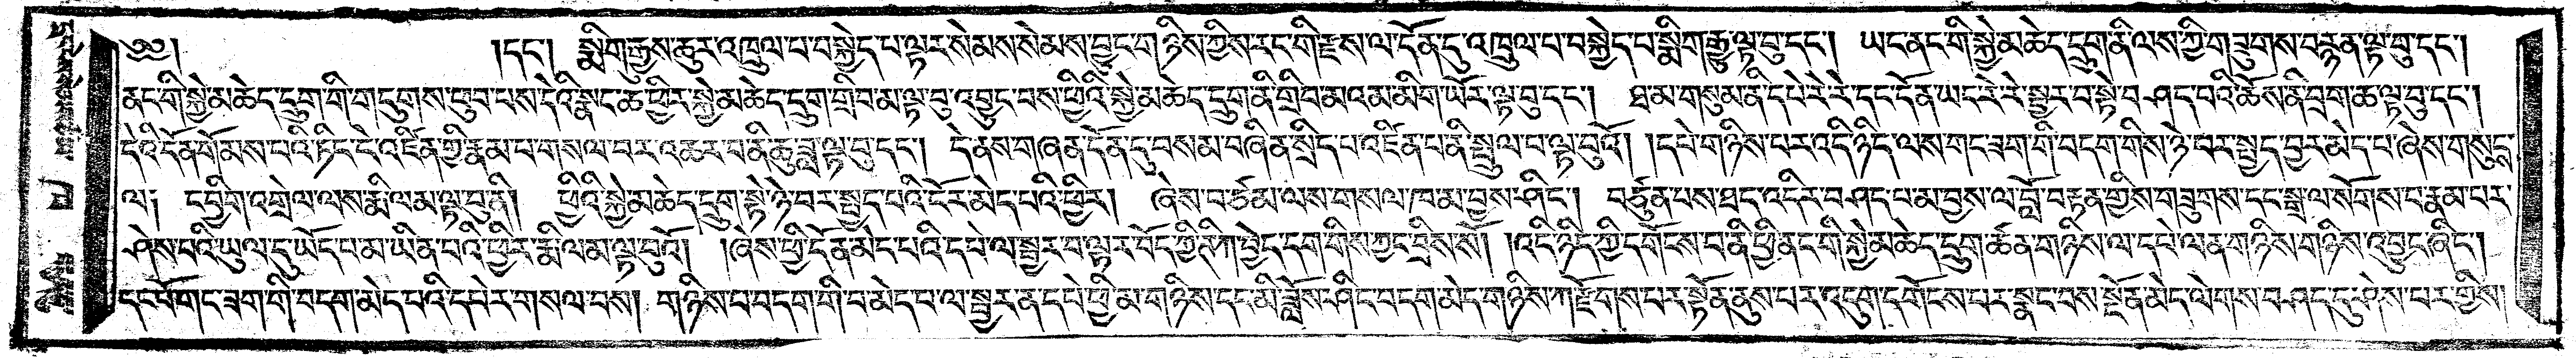༄༅། །དང་། སྨིག་རྒྱུས་ཆུར་འཁྲུལ་པ་བསྐྱེད་པ་ལྟར་སེམས་སེམས་བྱུང་གཉིས་ཀྱིས་རང་གི་རྫས་ལ་དོན་དུ་འཁྲུལ་པ་བསྐྱེད་པ་སྨིག་རྒྱུ་ལྟ་བུ་དང་། ཡང་ནང་གི་སྐྱེ་མཆེད་དྲུག་ནི་ལས་ཀྱི་གཟུགས་བརྙན་ལྟ་བུ་དང་།
ནང་གི་སྐྱེ་མཆེད་དྲུག་གི་གདུགས་ཕུབ་པས་དེའི་སྣང་ཆ་ཕྱིར་སྐྱེ་མཆེད་དྲུག་གྲིབ་མ་ལྟ་བུ་འབྱུང་བས་ཕྱིའི་སྐྱེ་མཆེད་དྲུག་ནི་གྲིབ་མའམ་མིག་ཡོར་ལྟ་བུ་དང་། ཐ་མ་གསུམ་ནི་དཔེ་རེ་རེ་དང་དོན་ཡང་རེ་རེ་སྦྱར་བ་སྟེ་བཤད་པའི་ཆོས་ནི་བྲག་ཆ་ལྟ་བུ་དང་།
དེའི་དོན་གོམས་པའི་ཏིང་ངེ་འཛིན་གྱི་རྣམ་པ་གསལ་བར་འཆར་བ་ནི་ཆུ་ཟླ་ལྟ་བུ་དང་། དེ་ནས་གཞན་དོན་དུ་བསམ་བཞིན་སྲིད་པ་འཛིན་པ་ནི་སྤྲུལ་པ་ལྟ་བུའོ། །དཔེ་གཉིས་པར་འདི་ཉིད་ལས་གང་ཟག་གི་བདག་གིས་ཉེ་བར་སྤྱད་བྱར་མེད་པ་ཞེས་གསུངས་
ལ༑ དབྱིག་འགྲེལ་ལས་རྨི་ལམ་ལྟ་བུ་ནི། ཕྱིའི་སྐྱེ་མཆེད་དྲུག་སྟེ་ཉེ་བར་སྤྱད་པའི་ངོར་མེད་པའི་ཕྱིར། ཞེས་པ་ཙམ་ལས་གསལ་ཁ་མ་བྱས་ཤིང་། བཙུན་པས་ཐད་འདིར་བཤད་པ་མ་བྱས་ལ་བློ་བརྟན་གྱིས་གཟུགས་དང་སྒྲ་ལ་སོགས་པ་རྣམ་པར་
ཤེས་པའི་ཡུལ་དུ་ཡོད་པ་མ་ཡིན་པའི་ཕྱིར་རྨི་ལམ་ལྟ་བུའོ། །ཞེས་ཕྱི་དོན་མེད་པའི་དཔེ་ལ་སྦྱར་བ་ལྟར་བོད་ཀྱི་ཊིཀ་བྱེད་དག་གིས་ཀྱང་བྲིས་སོ། །འདི་ཉིད་ཀྱི་དགོངས་པ་ནི་ཕྱི་ནང་གི་སྐྱེ་མཆེད་དྲུག་ཚན་གཉིས་ལ་དཔེ་ལན་གཉིས་གཉིས་འབྱུང་ཞིང་།
དང་པོ་གང་ཟག་གི་བདག་མེད་པའི་དཔེར་གསལ་བས། གཉིས་པ་བདག་གི་བ་མེད་པ་ལ་སྦྱར་ན་དཔེ་ཕྱི་མ་གཉིས་དང་མི་ཟློས་ཤིང་བདག་མེད་གཉིས་ཀ་རྫོགས་པར་སྟོན་ནུས་པར་འདུག་དགོངས་པར་སྣང་བས་སྔོན་མེད་ལེགས་བཤད་དུ་ཤེས་པར་གྱིས།